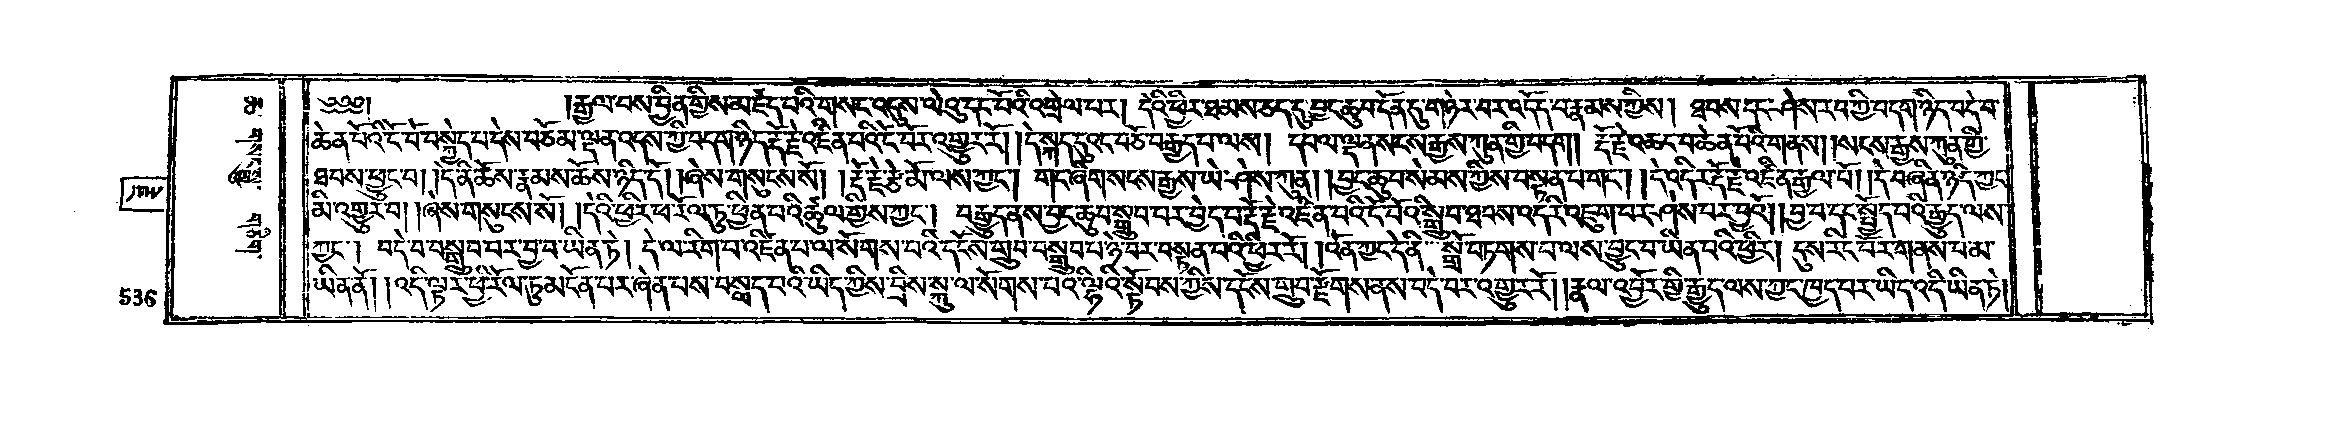༄༅༅། །རྒྱལ་བས་བྱིན་གྱིས་མཛད་པའི་གསང་འདུས་ལེའུ་དང་པོའི་འགྲེལ་པར། དེའི་ཕྱིར་ཐམས་ཅད་དུ་བྱང་ཆུབ་དོན་དུ་གཉེར་བར་འདོད་པ་རྣམས་ཀྱིས། ཐབས་དང་ཤེས་རབ་ཀྱི་བདག་ཉིད་བདེ་བ་
ཆེན་པོའི་ངོ་བོ་བསྐྱེད་པ་དེས་བཅོམ་ལྡན་འདས་ཀྱི་བདག་ཉིད་རྡོ་རྗེ་འཛིན་པའི་ངོ་བོར་འགྱུར་རོ། །དེ་སྐད་དུའང་བཅོ་བརྒྱད་པ་ལས། དཔལ་ལྡན་སངས་རྒྱས་ཀུན་གྱི་བདག །རྡོ་རྗེ་འཆང་བ་ཆེན་པོའི་གནས། །སངས་རྒྱས་ཀུན་གྱི་
ཐབས་ཕྱུང་བ། །དེ་ནི་ཆོས་རྣམས་ཆོས་ཉིད་དོ། །ཞེས་གསུངས་སོ། །རྡོ་རྗེ་རྩེ་མོ་ལས་ཀྱང་། གང་ཞིག་སངས་རྒྱས་ཡེ་ཤེས་ཀུན། །བྱང་ཆུབ་སེམས་ཀྱིས་བསྟན་པ་གང་། །དེ་འདིར་རྡོ་རྗེ་འཛིན་རྒྱལ་པོ། །དེ་བཞིན་ཉིད་ཀྱང་
མི་འགྱུར་བ། །ཞེས་གསུངས་སོ། །དེའི་ཕྱིར་ཕ་རོལ་ཏུ་ཕྱིན་པའི་ཚུལ་གྱིས་ཀྱང་། བརྒྱུད་ནས་བྱང་ཆུབ་སྒྲུབ་པར་བྱེད་པ་རྡོ་རྗེ་འཛིན་པའི་ངོ་བོའི་སྒྲུབ་ཐབས་འདིར་འཇུག་པར་ཤེས་པར་བྱའོ། །བྱ་བ་དང་སྤྱོད་པའི་རྒྱུད་ལས་
ཀྱང་། བདེ་བ་བསྒྲུབ་པར་བྱ་བ་ཡིན་ཏེ། དེ་ལ་རིག་པ་འཛིན་པ་ལ་སོགས་པའི་དངོས་གྲུབ་བསྒྲུབ་པ་ཉེ་བར་བསྟན་པའི་ཕྱིར་རོ། །འོན་ཀྱང་དེ་ནི་སྒྲོ་བཏགས་པ་ལས་བྱུང་བ་ཡིན་པའི་ཕྱིར། དུས་རིང་པོར་གནས་པ་མ་
ཡིན་ནོ། །འདི་ལྟར་ཕྱི་རོལ་ཏུ་མངོན་པར་ཞེན་པས་བསླད་པའི་ཡིད་ཀྱིས་བྲིས་སྐུ་ལ་སོགས་པའི་ལྷའི་སྟོབས་ཀྱིས་དངོས་གྲུབ་རྫོགས་ནས་བདེ་བར་འགྱུར་རོ། །རྣལ་འབྱོར་གྱི་རྒྱུད་ལས་ཀྱང་ཁྱད་པར་ཡིད་འདི་ཡིན་ཏེ།